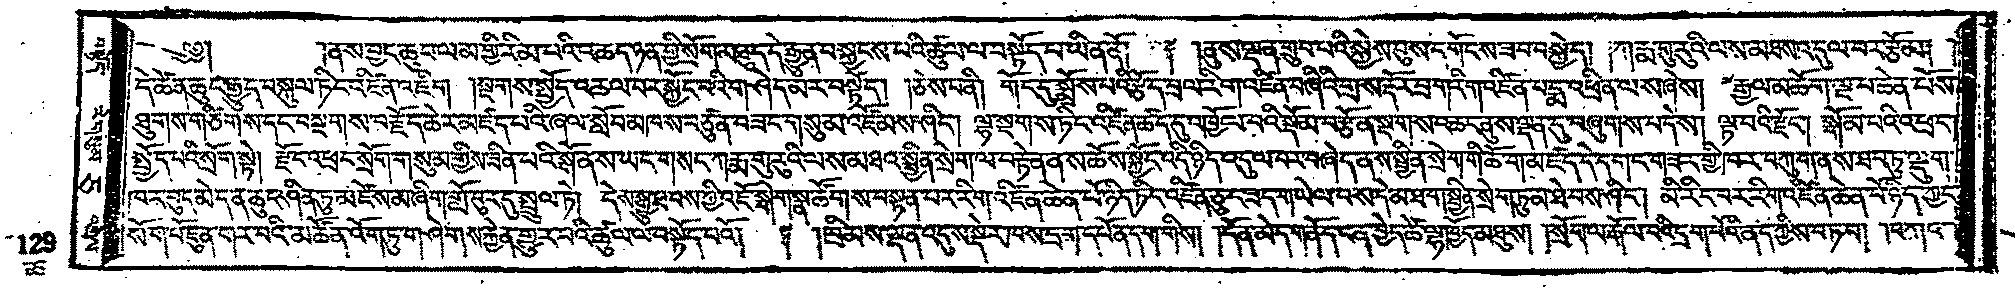༄༅། །ནས་བྱང་ཆུབ་ལམ་གྱི་རིམ་པའི་འཆད་ཉན་གྱི་སྲོག་མཐུད་དེ་རྒྱུན་བསྐྱངས་པའི་ཚུལ་ལ་བསྟོད་པ་ཡིན་ནོ། ༈ །ནུས་ལྡན་གྲུབ་པའི་སྐྱེས་བུས་དགོངས་ཟབ་བསྐྱེད། །ཀརྨ་གུ་རུའི་ལས་མཐས་འདུལ་བར་རྩོམ། །
དེ་ཚེ་ན་ཆུང་རྒྱུད་བསྐུལ་ཏིང་འཛིན་འཇིག །སྔགས་སྤྱོད་འཆལ་བར་སྐྱོང་བའི་གཤེད་མར་བསྟོད། །ཅེས་པ་ནི། གོང་དུ་སྨྲོས་པའི་རྩོད་བྲལ་རིག་འཛིན་བཞིའི་གྲས་རྡོར་བྲག་རིག་འཛིན་པདམ་འཕྲིན་ལས་ཞེས། ༧རྒྱལ་མཆོག་ལྔ་པ་ཆེན་པོས་
ཐུགས་གཙིགས་དང་བསྔགས་བརྗོད་ཆེར་མཛད་པའི་ཞལ་སློབ་མཁས་བཙུན་བཟང་གསུམ་འཛོམས་ཤིང་། ལྷ་སྔགས་ཏིང་འཛིན་ཚད་དུ་འཁྱོལ་བའི་སྡོམ་བརྩོན་སྔགས་འཆང་ནུས་ལྡན་དུ་བཞུགས་པ་དེས། ལྟ་བའི་རྫོང་། སྒོམ་པའི་འཕྲང་
སྤྱོད་པའི་སྲོག་སྟེ། རྫོང་འཕྲང་སྲོག་གསུམ་གྱིས་ཟིན་པའི་སྒོ་ནས་ཡང་གསང་ཀརྨ་གུ་རུའི་ལས་མཐའ་སྦྱིན་སྲེག་ལ་བརྟེན་ནས་ཆོས་སྐྱོང་འདི་ཉིད་འདུལ་བར་བཞེད་ནས་སྦྱིན་སྲེག་གི་ཆོ་ག་མཛད་དེ་དགང་གཟར་གྱི་ཁར་བཀུག་ནས་ཐབ་ཏུ་ལྡུག་
ཁར་བུད་མེད་ན་ཆུང་ཤིན་ཏུ་མཛེས་མ་ཞིག་གློ་བུར་དུ་སྤྲུལ་ཏེ། དེས་སྒྱུ་ཐབས་ཀྱི་འཇོ་སྒེག་སྣ་ཚོགས་བསྟན་པར་རིག་འཛིན་ཆེན་པོ་ཉིད་ཏིང་འཛིན་ཅུང་ཟད་གཡེལ་བས་དེ་མ་ཐག་སྦྱིན་སྲེག་ཏུ་མ་ཐེབས་ཤིང་། མི་རིང་བར་རིག་འཛིན་ཆེན་པོ་ཉིད་ཀྱང་
སོག་པོ་ཇུན་གར་བའི་མཚོན་འོག་ཏུ་གཤེགས་རྐྱེན་གྱུར་པའི་ཚུལ་ལ་བསྟོད་པའོ། ༈ །ཁྲིམས་ལྡན་འདུས་སྡེར་ཁས་དྲག་དཔོན་དག་གིས། །དོན་མེད་གནོད་ངན་བྱེད་ཚེ་ལྷ་ཁྱོད་མཐུས། །སྲོག་ལ་རྒོལ་བའི་དྲག་པོའི་ནད་ཀྱིས་བཏབ། །བཀའ་